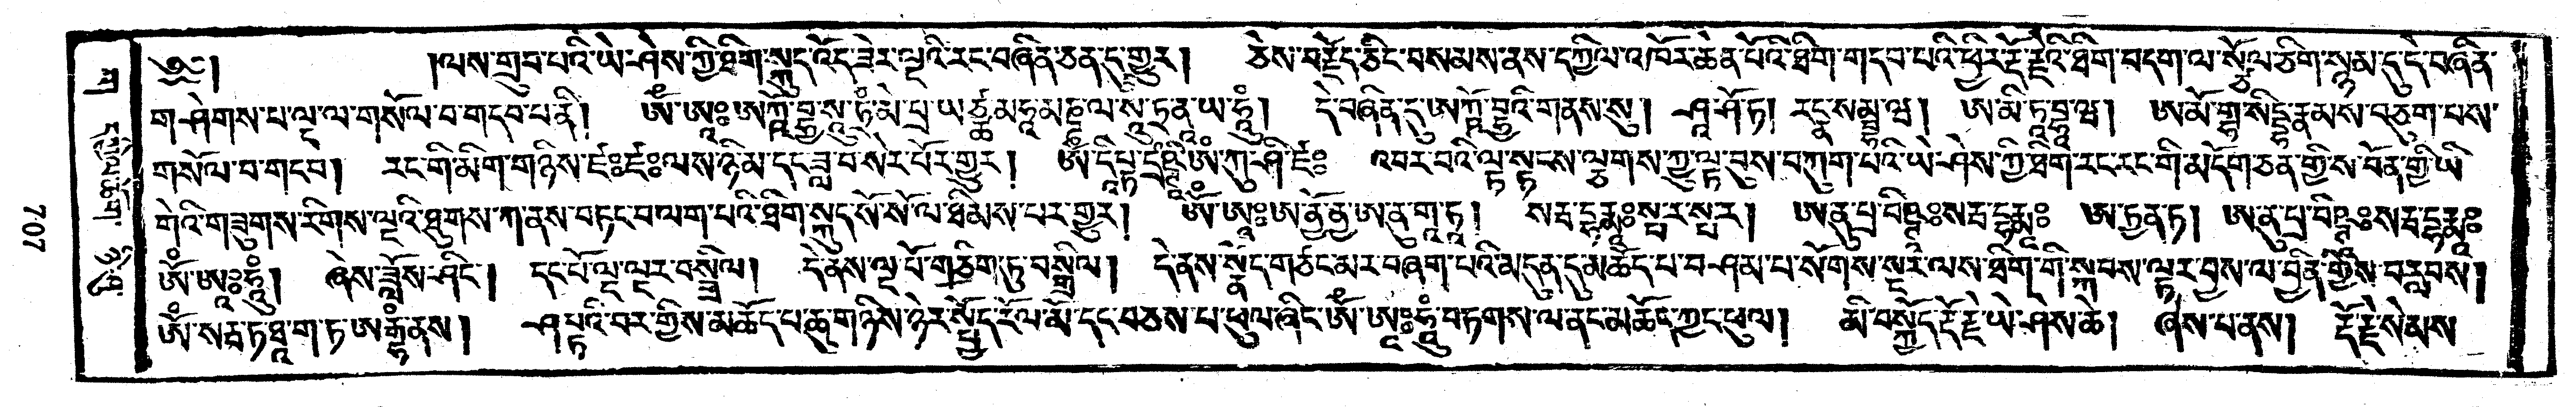༄༅། །ལས་གྲུབ་པའི་ཡེ་ཤེས་ཀྱི་ཐིག་སྐུད་འོད་ཟེར་ལྔའི་རང་བཞིན་ཅན་དུ་གྱུར། ཅེས་བརྗོད་ཅིང་བསམས་ནས་དཀྱིལ་འཁོར་ཆེན་པོའི་ཐིག་གདབ་པའི་ཕྱིར་རྡོ་རྗེའི་ཐིག་བདག་ལ་སྩོལ་ཅིག་སྙམ་དུ་དེ་བཞིན་
གཤེགས་པ་ལྔ་ལ་གསོལ་བ་གདབ་པ་ནི། ཨོཾ་ཨཱཿ ཨཀྵོ་བྷྱ་སཱུ་ཏྲཾ་མེ་པྲ་ཡཙྪ་མཧཱ་མཎྜ་ལ་སཱུ་ཏྲ་ནཱ་ཡ་ཧཱུཾ། དེ་བཞིན་དུ་ཨཀྵོ་བྷྱའི་གནས་སུ། ཤཱ་ཤོ་ཏ། རངྣ་སམྦྷ་ཝ། ཨ་མི་ཏཱ་བྷཱ་ཝ། ཨ་མོ་གྷ་སིདྡྷ་རྣམས་བཅུག་པས་
གསོལ་བ་གདབ། རང་གི་མིག་གཉིས་ཛཿ ཛཿ ལས་ཉི་མ་དང་ཟླ་བ་སེར་པོར་གྱུར། ཨོཾ་དཱིཔྟ་དྲཾཥྚཱི?་ཨཾ་ཀུ་ཤི་ཛཿ འབར་བའི་ལྟ་སྟངས་ལྕགས་ཀྱུ་ལྟ་བུས་བཀུག་པའི་ཡེ་ཤེས་ཀྱི་ཐིག་རང་རང་གི་མདོག་ཅན་གྱི་ས་བོན་གྱི་ཡི་
གེའི་གཟུགས་རིགས་ལྔའི་ཐུགས་ཀ་ནས་བཏང་བ་ལག་པའི་ཐིག་སྐུད་སོ་སོ་ལ་ཐིམས་པར་གྱུར། ཨོཾ་ཨཱཿཨ་ནྱོ་ནྱ་ཨ་ནུ་གཱ་ཏཱ། སརྦ་དྷརྨཱཿསྤ་ར་སྤ་ར། ཨ་ནུ་པྲ་བིཥྚཱཿསརྦ་དྷརྨཱཿ ཨ་ཏྱན་ཏ། ཨ་ནུ་པྲ་བིཥྚཿསརྦ་དྷརྨཱཿ
ཨོཾ་ཨཱཿཧཱུཾ། ཞེས་ཟློས་ཤིང་། དང་པོ་ལྔ་ལྔར་བསྒྲིལ། དེ་ནས་ལྔ་པོ་གཅིག་ཏུ་བསྒྲིལ། དེ་ནས་སྣོད་གཙང་མར་བཞག་པའི་མདུན་དུ་མཆོད་པ་བཤམ་པ་སོགས་སྔར་ལས་ཐིག་གི་སྐབས་ལྟར་བྱས་ལ་བྱིན་གྱིས་བརླབས།
ཨོཾ་སརྦ་ཏ་ཐཱ་ག་ཏ་ཨརྒྷཾ་ནས། ཤཔྟའི་བར་གྱིས་མཆོད་པ་ཆུ་གཉིས་ཉེར་སྤྱོད་རོལ་མོ་དང་བཅས་པ་ཕུལ་ཞིང་ཨོཾ་ཨཱཿཧཱུཾ་བཏགས་ལ་ནང་མཆོད་ཀྱང་ཕུལ། མི་བསྐྱོད་རྡོ་རྗེ་ཡེ་ཤེས་ཆེ། ཞེས་པ་ནས། རྡོ་རྗེ་སེམས་